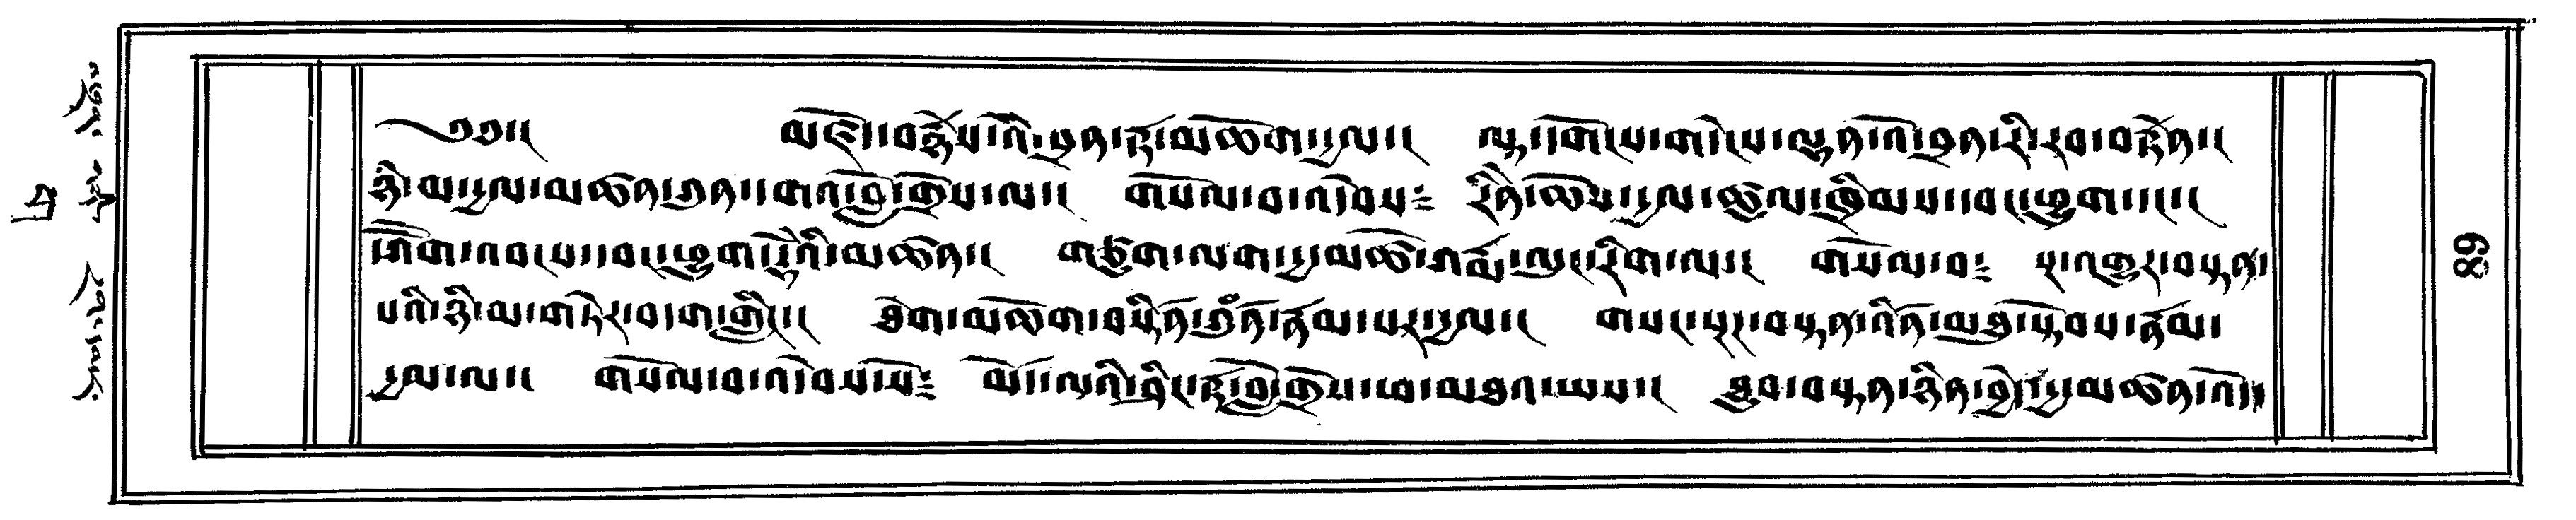མཛོད་བརྙེས་འོ་བྲན་རྟ་མཆོག་རྒྱལ། །ལྟ་དགོངས་གདེང་ལྡན་འོ་བྲན་རི་རབ་བརྟན། །
ཉི་མ་རྒྱལ་མཚན་ཀུན་དགའ་བློ་གྲོས་ལ། །གསོལ་བ་འདེབས༴ རིན་ཆེན་ཆོས་རྒྱལ་ཚུལ་ཁྲིམས་དབང་ཕྱུག་དང་། །
དཀོན་མཆོག་གསུམ་འབངས་དབང་ཕྱུག་རྡོ་རྗེའི་མཚན། །གཙུག་ལག་རྒྱ་མཚོ་ཀརྨ་ལུང་རིགས་ལ། །གསོལ་བ༴ སྔ་འགྱུར་བསྟན་
པའི་ཉི་མ་གཏེར་བདག་གླིང་། །ཐེག་མཆོག་བསྟན་འཛིན་ཀུན་བཟང་རྣམ་པར་རྒྱལ། །གསང་སྔགས་བསྟན་འཛིན་མཐུ་སྟོབས་རྣམ་
རྒྱལ་ལ། །གསོལ་བ་འདེབས་སོ༴ མཛོད་ལྔའི་ཤིང་རྟ་བློ་གྲོས་ཕ་མཐའ་ཡས། །ཐུབ་བསྟན་ཉིན་བྱེད་རྒྱལ་མཚན་འོད་